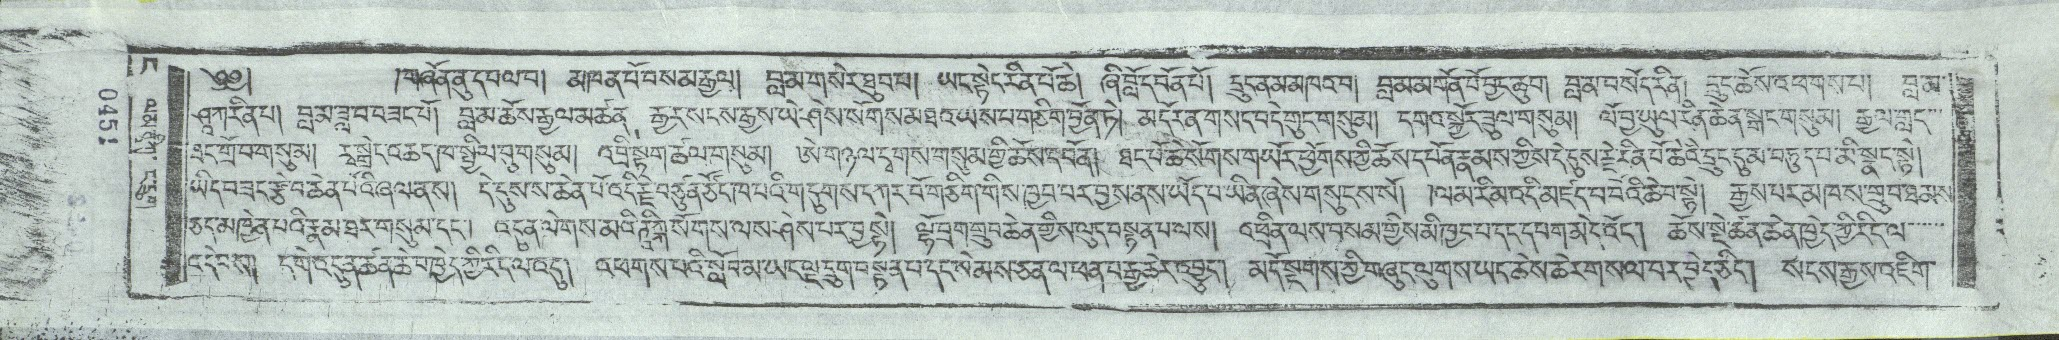༄༅། །གཞོན་ནུ་དཔལ་བ། མཁན་པོ་བསམ་རྒྱལ། བླ་མ་གསེར་ཐུབ་པ། ཡང་སྟེང་རིན་པོ་ཆེ། ཞི་བློ་དབོན་པོ། དྲུང་ནམ་མཁའ་བ། བླ་མ་མགོན་པོ་བྱང་ཆུབ། བླ་མ་བསོད་རིན། དྲུང་ཆོས་འཕགས་པ། བླ་མ་
ཤཱཀ་རིན་པ། བླ་མ་ཟླ་བ་བཟང་པོ། བླ་མ་ཆོས་རྒྱལ་མཚན། རྒྱར་སངས་རྒྱས་ཡེ་ཤེས་སོགས་མཐའ་ཡས་པ་གཅིག་བྱོན་ཏེ། མདོར་ན་གསང་བདེ་གུང་གསུམ། དགའ་སྐྱོར་ཟུལ་གསུམ། ལོ་བྱ་ཡུལ་རིན་ཆེན་སྒང་གསུམ། རྒྱལ་གླང་
ཐང་གྲོ་བ་གསུམ། རྭ་སྒྲེང་འཆད་ཁ་སྤྱིལ་བུ་གསུམ། འབྲི་སྟག་ཚལ་གསུམ། ཨེ་གཉལ་དྭགས་གསུམ་གྱི་ཆོས་དབོན། ཐང་པོ་ཆེ་སོགས་གཡོར་ཕྱོགས་ཀྱི་ཆོས་དཔོན་རྣམས་ཀྱིས་དེ་དུས་རྗེ་རིན་པོ་ཆེའི་དྲུང་དུ་མ་བཏུད་པ་མི་སྣང་སྟེ།
ཡིད་བཟང་རྩེ་བ་ཆེན་པོའི་ཞལ་ནས། དེ་དུས་ས་ཆེན་པོ་འདི་རྗེ་བཙུན་ཙོང་ཁ་པའི་གདུགས་དཀར་པོ་གཅིག་གིས་ཁྱབ་པར་བྱས་ནས་ཡོད་པ་ཡིན་ཞེས་གསུངས་སོ། །ལམ་རིམ་འདི་མཛད་པ་བོའི་ཆེ་བ་སྟེ། རྒྱས་པར་མཁས་གྲུབ་ཐམས་
ཅད་མཁྱེན་པའི་རྣམ་ཐར་གསུམ་དང་། འདུན་ལེགས་མའི་ཊཱིཀྐ་སོགས་ལས་ཤེས་པར་བྱ་སྟེ། ལྷོ་བྲག་གྲུབ་ཆེན་གྱིས་ལུང་བསྟན་པ་ལས། འཕྲིན་ལས་བསམ་གྱིས་མི་ཁྱབ་བ་དང་དཔག་མེད་འོད། ཆོས་སྡེ་ཚན་ཆེན་ཁྱེད་ཀྱི་རིང་ལ་
འདེབས། དགེ་འདུན་ཚན་ཆེ་བ་ཁྱེད་ཀྱི་རིང་ལ་འདུ། འཕགས་པའི་སློབ་མ་ཡང་ལྔ་དྲུག་བསྟན་པ་དང་སེམས་ཅན་ལ་ཕན་བརྒྱ་ཆེར་འབྱུང་། མདོ་སྔགས་ཀྱི་གཞུང་ལུགས་ཡང་ཆེས་ཆེར་གསལ་བར་བྱེད་ཅིང་། སངས་རྒྱས་འཇིག་